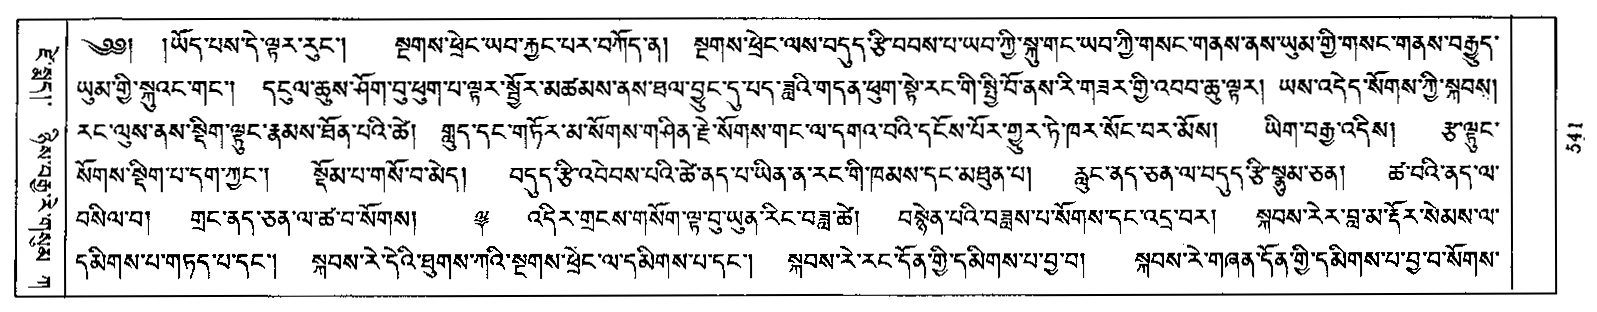༄༅། །ཡོད་པས་དེ་ལྟར་རུང་། སྔགས་ཕྲེང་ཡབ་རྐྱང་པར་བཀོད་ན། སྔགས་ཕྲེང་ལས་བདུད་རྩི་བབས་པ་ཡབ་ཀྱི་སྐུ་གང་ཡབ་ཀྱི་གསང་གནས་ནས་ཡུམ་གྱི་གསང་གནས་བརྒྱུད་
ཡུམ་གྱི་སྐུའང་གང་། དངུལ་ཆུས་ཤོག་བུ་ཕུག་པ་ལྟར་སྦྱོར་མཚམས་ནས་ཐལ་བྱུང་དུ་པད་ཟླའི་གདན་ཕུག་སྟེ་རང་གི་སྤྱི་བོ་ནས་རི་གཟར་གྱི་འབབ་ཆུ་ལྟར། ཡས་འདེད་སོགས་ཀྱི་སྐབས།
རང་ལུས་ནས་སྡིག་ལྟུང་རྣམས་ཐོན་པའི་ཚེ། གླུད་དང་གཏོར་མ་སོགས་གཤིན་རྗེ་སོགས་གང་ལ་དགའ་བའི་དངོས་པོར་གྱུར་ཏེ་ཁར་སོང་བར་མོས། ཡིག་བརྒྱ་འདིས། རྩ་ལྟུང་
སོགས་སྡིག་པ་དག་ཀྱང་། སྡོམ་པ་གསོ་བ་མེད། བདུད་རྩི་འབེབས་པའི་ཚེ་ནད་པ་ཡིན་ན་རང་གི་ཁམས་དང་མཐུན་པ། རླུང་ནད་ཅན་ལ་བདུད་རྩི་སྣུམ་ཅན། ཚ་བའི་ནད་ལ་
བསིལ་བ། གྲང་ནད་ཅན་ལ་ཚ་བ་སོགས། ༈ འདིར་གྲངས་གསོག་ལྟ་བུ་ཡུན་རིང་བཟླ་ཚེ། བསྙེན་པའི་བཟླས་པ་སོགས་དང་འདྲ་བར། སྐབས་རེར་བླ་མ་རྡོར་སེམས་ལ་
དམིགས་པ་གཏད་པ་དང་། སྐབས་རེ་དེའི་ཐུགས་ཀའི་སྔགས་ཕྲེང་ལ་དམིགས་པ་དང་། སྐབས་རེ་རང་དོན་གྱི་དམིགས་པ་བྱ་བ། སྐབས་རེ་གཞན་དོན་གྱི་དམིགས་པ་བྱ་བ་སོགས་